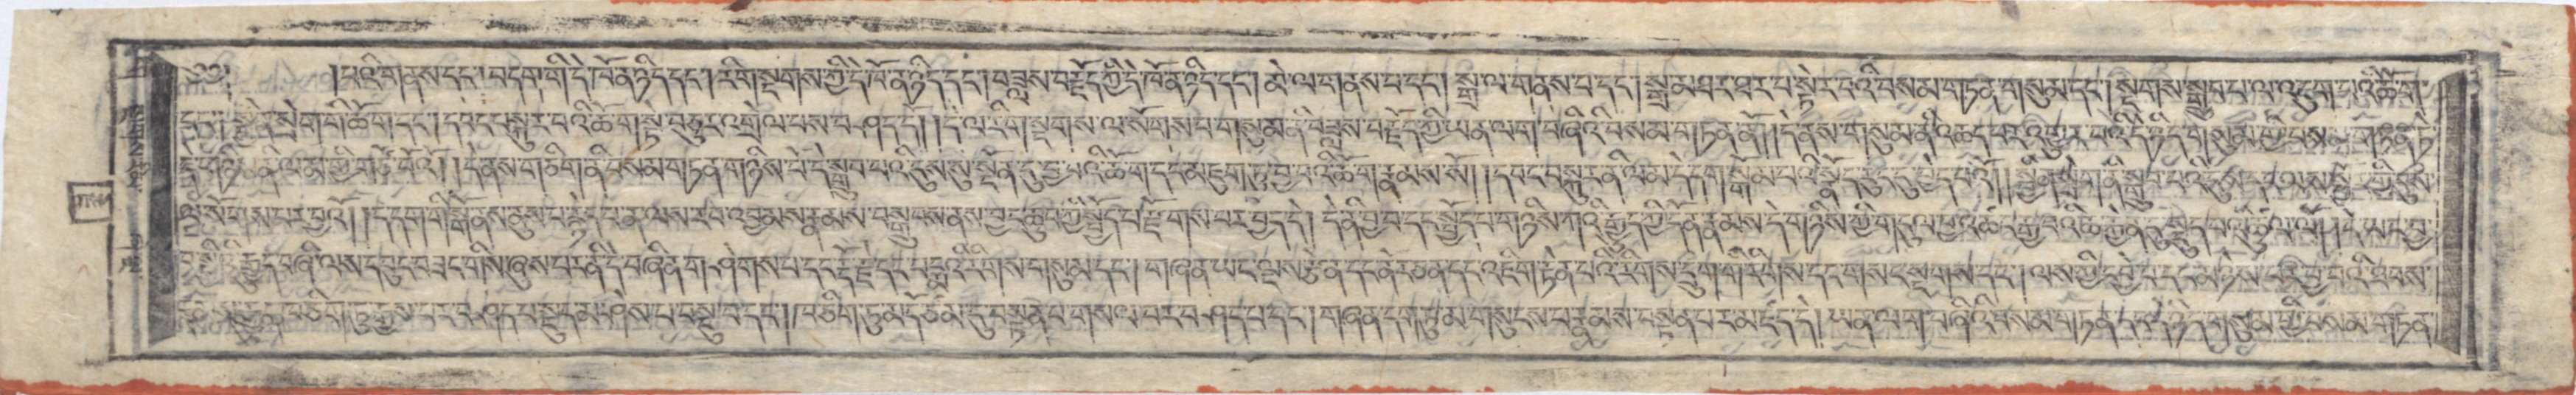༄༅། །པའི་གནས་དང་། བདག་གི་དེ་ཁོ་ན་ཉིད་དང་། རིག་སྔགས་ཀྱི་དེ་ཁོ་ན་ཉིད་དང་། བཟླས་བརྗོད་ཀྱི་དེ་ཁོ་ན་ཉིད་དང་། མེ་ལ་གནས་པ་དང་། སྒྲ་ལ་གནས་པ་དང་། སྒྲ་མཐར་ཐར་པ་སྟེར་བའི་བསམ་གཏན་གསུམ་དང་། སྔགས་སྒྲུབ་པ་ལ་འཇུག་པའི་ཆོ་ག་
དང༑ སྦྱིན་སྲེག་གི་ཆོ་ག་དང་། དབང་བསྐུར་བའི་ཆོ་ག་སྟེ་བཅུར་འགྲེལ་པས་བཤད་དོ། །དེ་ལ་རིག་སྔགས་ལ་སོགས་པ་གསུམ་ནི་བཟླས་བརྗོད་ཀྱི་ཡན་ལག་བཞིའི་བསམ་གཏན་ནོ། །དེ་ནས་གསུམ་ནི་འཆད་པར་འགྱུར་བའི་དེ་ཉིད་གསུམ་གྱི་བསམ་གཏན་ཏེ་
དེ་གཉིས་ནི་ལམ་གྱི་གཙོ་བོའོ། །དེ་ནས་གཅིག་ནི་བསམ་གཏན་གཉིས་པོ་དེ་སྒྲུབ་པའི་དུས་སུ་སྔོན་དུ་བྱ་བའི་ཆོ་ག་དང་མཇུག་ཏུ་བྱ་བའི་ཆོ་ག་རྣམས་སོ། །དབང་བསྐུར་ནི་ལམ་དེ་དག་སྒོམ་པའི་སྣོད་རུང་དུ་བྱེད་པའོ། །སྦྱིན་སྲེག་ནི་སྒྲུབ་པའི་དུས་དང་ལས་སྦྱོར་གྱི་དུས་
ལ་སོགས་པར་བྱའོ། །དེ་དག་གི་སྒོ་ནས་ནུས་པ་རྙེད་པ་ན་ལས་རབ་འབྱམས་རྣམས་བསྒྲུབས་ནས་བྱང་ཆུབ་ཀྱི་སྤྱོད་པ་རྫོགས་པར་བྱེད་དེ། དེ་ནི་བྱ་བ་དང་སྤྱོད་པ་གཉིས་ཀའི་རྒྱུད་ཀྱི་དོན་རྣམས་དེ་གཉིས་ཀྱི་གདུལ་བྱ་འཚང་རྒྱ་བའི་ཆ་རྐྱེན་དུ་སྡུད་པའི་ཚུལ་ལོ། །དེ་ཡང་བྱ་
བ་སྤྱིའི་རྒྱུད་བཞི་ལས་དབུང་བཟང་གིས་ཞུས་པར་ནི་དེ་བཞིན་གཤེགས་པ་དང་རྡོ་རྗེ་དང་པདམའི་རིགས་གསུམ་དང་། གཞན་ཡང་ལྔས་རྩེ་ན་དང་ནོར་ཅན་དང་འཇིག་རྟེན་པའི་རིགས་དྲུག་གི་རིགས་དང་གསང་སྔགས་དང་། ལས་ཀྱི་དབྱེ་བ་དང་མཉེས་པར་བྱ་བའི་ཐབས་
རྣམས་རྒྱུད་ཁ་ཅིག་ཏུ་རྒྱས་པར་བཤད་པ་སྡུད་མ་ཤེས་པ་བསྡུ་བ་དང་། ཁ་ཅིག་ཏུ་མདོ་ཙམ་དུ་བསྟན་པ་གསལ་བར་བཤད་པ་དང་། གཞན་དག་ཏུ་མ་གསུངས་པ་རྣམས་བསྟན་པར་མཛད་དེ། ཡན་ལག་བཞིའི་བསམ་གཏན་དང་དེ་ཉིད་གསུམ་གྱི་བསམ་གཏན་